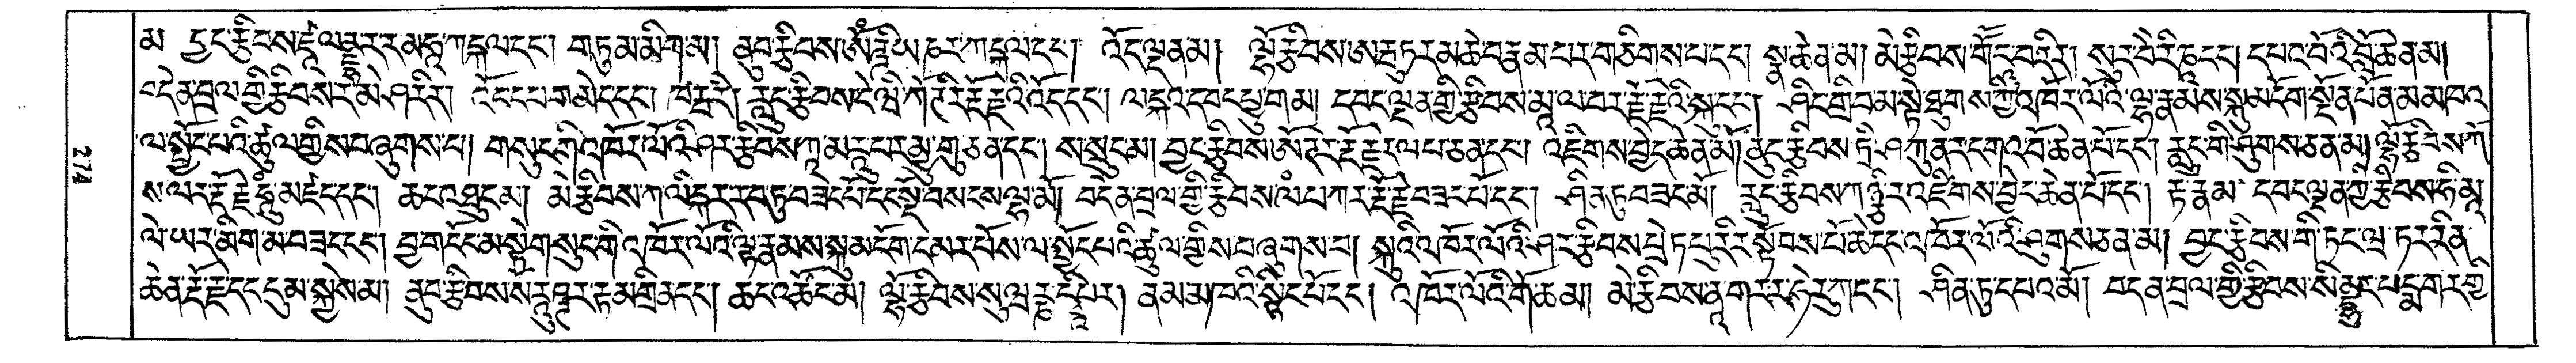མ༑ བྱང་རྩི་བས་ཛའ་ལནྡྷ་ར་ར་མཁའ་ཀངྐ་ལ་དང་། གཏུམ་མིག་མ། ནུབ་རྩི་བས་ཨོཌྜི་ཡ་ཎ་ར་ཀངྐ་ལ་དང་། འོད་ལྡན་མ། ལྷོ་རྩི་བས་ཨརྦུ་ཏར་མཆེ་བ་རྣམ་པར་གཅིག་པ་དང་། སྣ་ཆེན་མ། མེ་རྩི་བས་གཽ་ངའ་བ་རིར། སུ་ར་བཻ་རི་ཎཱ་དང་། དཔའ་པོའི་བློ་ཆེན་མ།
བདེན་བྲལ་གྱི་རྩིབས་ར་མེ་ཤྭ་རིར། འོད་དཔག་མེད་དང་། ཁརྦ་རི། རླུང་རྩིབས་དེ་ཝི་ཀོ་ཊ་རི་རྡོ་རྗེའི་འོད་དང་། ལངྐའི་དབང་ཕྱུག་མ། དབང་ལྡན་གྱི་རྩི་བས་མཱ་ལ་བར་རྡོ་རྗེ་འི་སྐུ་དང་། ཤིང་གྲི་བ་མ་སྟེ་ཐུགས་ཀྱི་འཁོར་ལོ་འི་ལྷ་རྣམས་སྐུ་མདོག་སྔོན་པོ་ནམ་མཁའ་
ལ་སྤྱོད་པའི་ཚུལ་གྱིས་བཞུགས་པ། གསུང་གི་འཁོར་ལོའི་ཤར་རྩི་བས་ཀཱ་མ་རཱུ་པར་མྱུ་གུ་ཅན་དང་། ས་སྲུང་མ། བྱང་རྩི་བས་ཨོ་ཊེར་རྡོ་རྗེ་རལ་པ་ཅན་དང་། འཇིགས་བྱེད་ཆེན་མོ། ནུབ་རྩི་བས་ཏྲི་ཤ་ཀུ་རེར་དཔའ་པོ་ཆེན་པོ་དང་། རླུང་གི་ཤུགས་ཅན་མ། ལྷོ་རྩིབ་བས་ཀོ་
ས་ལར་རྡོ་རྗེ་ཧཱུཾ་མཛད་དང་། ཆང་འཐུང་མ། མེ་རྩི་བས་ཀ་ལིངྐར་རབ་ཏུ་བཟང་པོ་དང་སྡོ་བསངས་ལྷ་མོ། བདེན་བྲལ་གྱི་རྩི་བས་ལཾ་པ་ཀར་རྡོ་རྗེ་བཟང་པོ་དང་། ཤིན་ཏུ་བཟང་མོ། རླུང་རྩི་བ་སྐ་ཉིར་འཇིགས་བྱེད་ཆེན་པོ་དང་། རྟ་རྣ་མ། དབང་ལྡན་གྱི་རྩིབས་ཧི་མཱ་
ལ་ཡར་མིག་མི་བཟང་དང་། བྱ་དགོང་མ་སྟེ་གསུང་གི་འཁོར་ལོའི་ལྷ་རྣམས་སྐུ་མདོག་དམར་པོ་སེ་ལ་སྤྱོད་པའི་ཚུལ་གྱིས་བཞུགས་པ། སྐུའི་འཁོར་ལོའི་ཤར་རྩི་བས་པྲེ་ཏ་པུ་རིར་སྟོབས་པོ་ཆེ་དང་འཁོར་ལོའི་ཤུགས་ཅན་མ། བྱང་རྩི་བས་གྲི་ཧ་དེ་ཝ་ཏར་རིན་
ཆེན་རྡོ་རྗེ་དང་དུམ་སྐྱེས་མ། ནུབ་རྩིབས་སོ་རཱཥྚར་རྟ་མགྲིན་དང་། ཆང་འཚོང་མ། ལྷོ་རྩི་བས་སུ་ཝརྞ་དྭཱི་པར། ནམ་མཁའི་སྙིང་པོ་དང་། འཁོར་ལོའི་གོ་ཆམ། མེ་རྩི་བས་ན་ག་རར་ཧེ་རུ་ག་དང་། ཤིན་ཏུ་དཔའ་མོ། བདེན་བྲལ་གྱི་རྩིབས་སིནྡྷུར་པདམ་གར་གྱི་